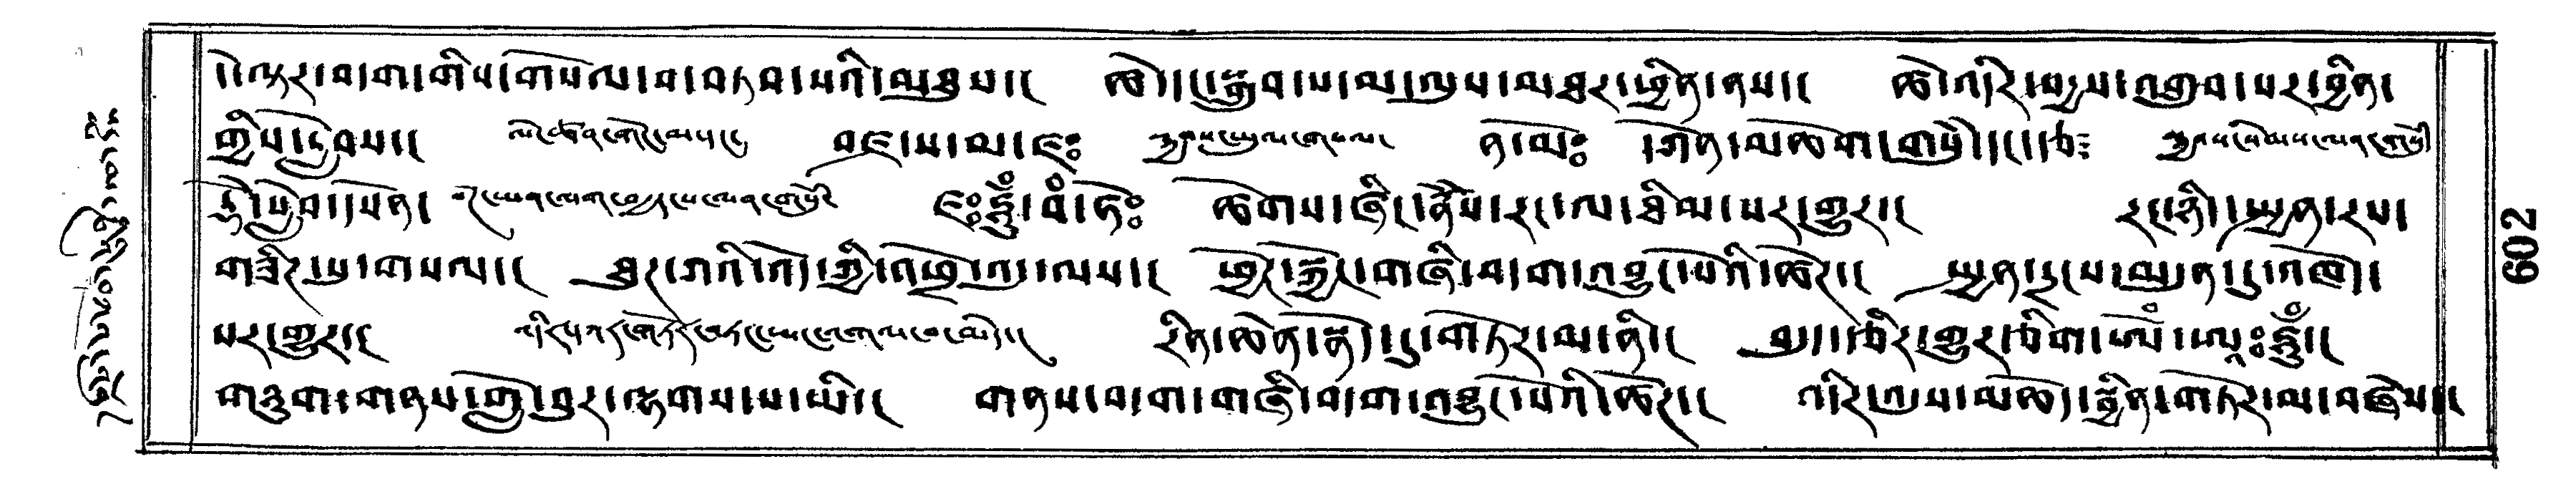།དེ་ལྟར་བདག་གིས་གསོལ་བ་བཏབ་པའི་མཐུས། །ཚེ་དང་སྒྲུབ་པ་མ་ལུས་མཐར་ཕྱིན་ནས། །ཚེ་འདིར་སངས་རྒྱས་འགྲུབ་པར་བྱིན་
གྱིས་རློབས། ། ལེ་ཚན་གོང་མ་དང་། བཛྲ་ས་མ་ཛཿ སྐྱབས་ཡུལ་གསལ། ན་མོ༔ དཀོན་མཆོག་གསུམ་དང་རྩ༴ སྐྱབས་སེམས་ལ་ལན་གསུམ། 
རྡོ་རྗེ་སློབ་དཔོན༴ ། སོགས་ཡན་ལག་བརྒྱད་པ་ལན་གསུམ། ཛཿཧཱུྃ་བཾ་ཧོཿ ཚོགས་ཞིང་རྣམས་རང་ལ་ཐིམ་པར་གྱུར། རང་ཉིད་སྤྱན་རས་
གཟིགས་སུ་གསལ། །ཐུགས་ཀའི་འོད་ཀྱི་འཕྲོ་འདུ་ལས། །ཕྱོགས་སྐྱོང་གཞི་བདག་འབྱུང་པོའི་ཚོགས། །སྤྱན་དྲངས་མདུན་དུ་འཁོད་
པར་གྱུར། འདིར་དཀར་གཏོར་གཏང་ཡང་འགལ་བ་མེད། རིན་ཆེན་སྣོད་དུ་གཏོར་མ་ནི། །བདུད་རྩིར་གྱུར་ཅིག་ཨོཾ་ཨཱཿཧཱུྃ། །
གཉུག་གནས་གློ་བུར་ལྷགས་པ་ཡི། །གནས་བདག་གཞི་བདག་འབྱུང་པོའི་ཚོགས། །འདིར་འདུས་མཆོད་སྦྱིན་གཏོར་མ་བཞེས།